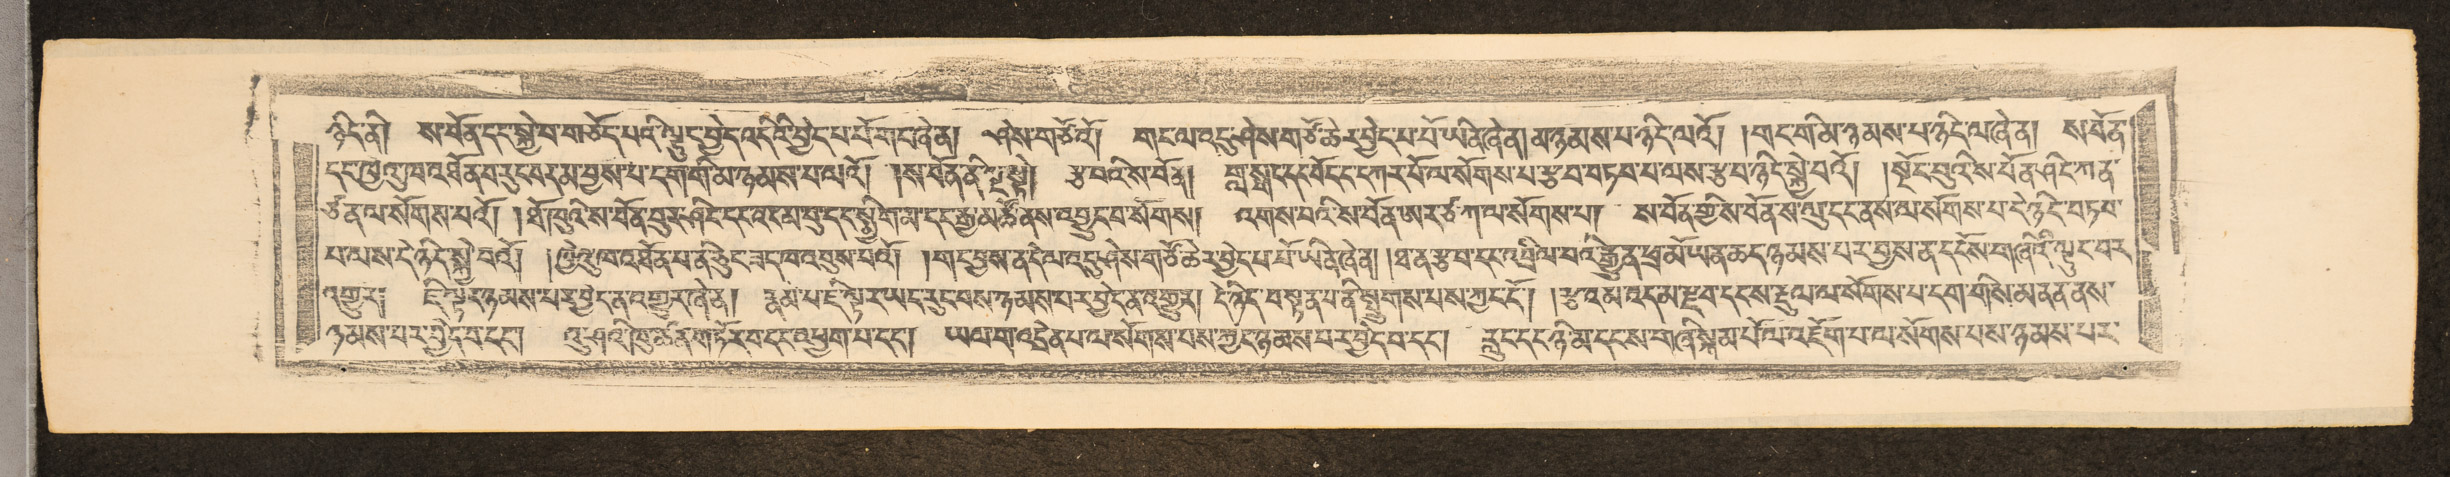ཉིད་ནི། ས་བོན་དང་སྐྱེ་བ་གཅོད་བའི་ལྟུང་བྱེད་འདིའི་བྱེད་པ་པོ་གང་ཞེ་ན། ཤེས་གཙོ་འོ། གང་ལ་འདུ་ཤེས་གཙོ་ཆེར་བྱེད་པ་པོ་ཡིན་ཞེ་ན། མ་ཉམས་པ་ཉིད་ལའོ། །གང་གི་མ་ཉམས་པ་ཉིད་ལ་ཞེ་ན། ས་བོན་
དང་ཁྱེའུ་ཁ་འཐོན་པ་རུང་བར་མ་བྱས་བ་ངག་གི་མ་ཉམས་པ་ལའོ། །ས་བོན་ནི་ལྔ་སྟེ། རྩ་བའི་ས་བོན། གླ་སྒང་དང་བོང་ད་དཀར་བོ་ལ་སོགས་པ་རྩ་བ་བཏབ་བ་ལས་རྩ་བ་ཉིད་སྐྱེ་བའོ། །སྡོང་བུའི་ས་བོན་ཤིང་ཀན་
ཙ་ན་ལ་སོགས་པའོ། །ཐོ་ཁུའི་ས་བོན་བུར་ཤིང་དང་འདམ་བུ་དང་སྨྱིག་མ་དང་རྒྱ་མཚོ་ནས་འབྱུང་བ་སོགས། འགས་བའི་ས་བོན་ཨར་ཙ་ཀ་ལ་སོགས་པ། ས་བོན་གྱི་ས་བོན་ས་ལུ་དང་ནས་ལ་སོགས་པ་དེ་ཉིད་བཏབ་
པ་ལས་དེ་ཉིད་སྐྱེ་བའོ། །ཁྱེའུ་ཁ་འཐོན་པ་ནི་ཅུང་ཟད་ཁ་འབུས་པའོ། །གང་བྱས་ན་དེ་ལ་འདུ་ཤེས་གཙོ་ཆེར་བྱེད་བ་པོ་ཡིན་ཞེ་ན། །ཐ་ན་རྩ་བ་དང་འབྲེལ་བའི་རྒྱུན་ཕྲ་མོ་ཡན་ཆད་ཉམས་པར་བྱས་ན་དངོས་གཞིའི་ལྟུང་བར་
འགྱུར། ཇི་ལྟར་ཉམས་པར་བྱེད་ན་འགྱུར་ཞེ་ན། རྣམ་པ་ཇི་ལྟར་ཡང་རུང་བས་ཉམས་བར་བྱེད་ན་འགྱུར། དེ་ཉིད་བསྟན་བ་ནི་སྤྲུགས་པས་ཀྱང་ངོ། །རྩ་འམ་འདམ་རྫབ་དང་ས་རྡུལ་ལ་སོགས་བ་དག་གིས་མནན་ནས་
ཉམས་བར་བྱེད་བ་དང་། འུ་ཤའི་ཁུ་ཚན་གཏོར་བ་དང་འཕྱག་པ་དང་། ཡལ་ག་འདྲེན་པ་ལ་སོགས་བས་ཀྱང་ཉམས་བར་བྱེད་པ་དང་། རླུང་དང་ཉི་མ་དང་ས་གཞི་སྐམ་པོ་ལ་འཇོག་པ་ལ་སོགས་བས་ཉམས་པར་